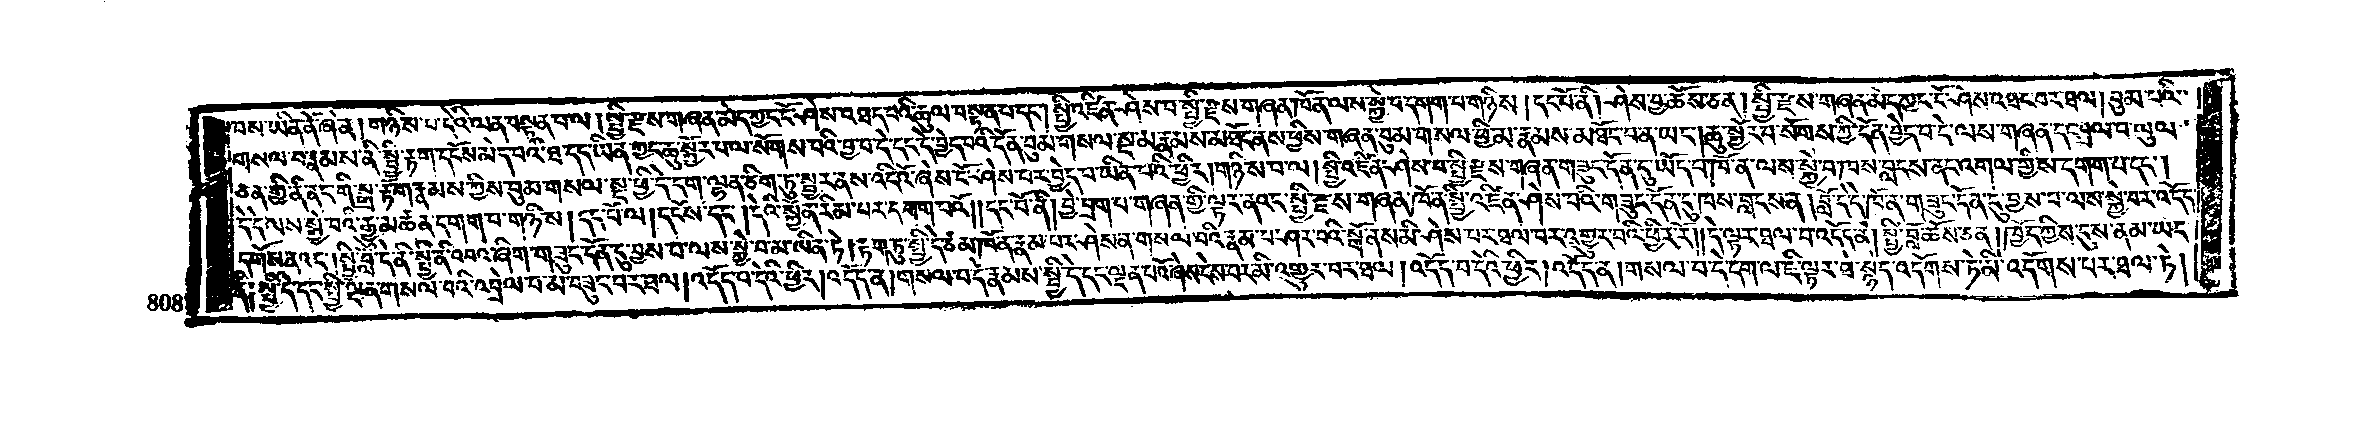བས་ཡིན་ནོ་ཞེ་ན། གཉིས་པ་དེའི་ལན་བསྟན་པ་ལ། སྤྱི་རྫས་གཞན་མེད་ཀྱང་ངོ་ཤེས་འཐད་པའི་ཚུལ་བསྟན་པ་དང་། སྤྱི་འཛིན་ཤེས་པ་སྤྱི་རྫས་གཞན་ཁོ་ན་ལས་སྐྱེ་བ་དགག་པ་གཉིས། དང་པོ་ནི། ཤེས་བྱ་ཆོས་ཅན། སྤྱི་རྫས་གཞན་མེད་ཀྱང་ངོ་ཤེས་འཐད་བར་ཐལ། བུམ་པའི་
གསལ་བ་རྣམས་ནི་སྤྱི་རྟག་དངོས་མེད་པའི་ཐ་དད་ཡིན་ཀྱང་ཆུ་སྐྱོར་པ་ལ་སོགས་པའི་བྱ་བ་དེ་དང་དེ་བྱེད་པའི་དོན་བུམ་གསལ་སྔ་མ་རྣམས་མཐོང་ནས་ཕྱིས་གཞན་བུམ་གསལ་ཕྱི་མ་རྣམས་མཐོང་བ་ན་ཡང་། ཆུ་སྐྱོར་བ་སོགས་ཀྱི་དོན་བྱེད་པ་དེ་ལས་གཞན་དང་བྲལ་བ་ཡུལ་
ཅན་གྱི་ནི་ནང་གི་སྒྲ་རྟོག་རྣམས་ཀྱིས་བུམ་གསལ་སྔ་ཕྱི་དེ་དག་ལྷན་ཅིག་ཏུ་སྦྱར་ནས་འདིའོ་ཞེས་ངོ་ཤེས་པར་བྱེད་པ་ཡིན་པའི་ཕྱིར། གཉིས་པ་ལ། སྤྱི་འཛིན་ཤེས་པ་སྤྱི་རྫས་གཞན་གཟུང་དོན་དུ་ཡོད་པ་ཁོ་ན་ལས་སྐྱེ་བ་ཁས་བླངས་ནང་འགལ་གྱིས་དགག་པ་དང་།
དེ་དེ་ལས་སྐྱེ་བའི་རྒྱུ་མཚན་དགག་པ་གཉིས། དང་པོ་ལ། དངོས་དང་། དེའི་སྐྱོན་རིམ་པར་དགག་པའོ། །དང་པོ་ནི། བྱེ་བྲག་པ་གཞན་གྱི་ལྟར་ནའང་སྤྱི་རྫས་གཞན་ཁོ་ན་སྤྱི་འཛིན་ཤེས་པའི་གཟུང་དོན་དུ་ཁས་བླངས་ན། བློ་དེ་དེ་ཁོ་ན་གཟུང་དོན་དུ་བྱས་པ་ལས་སྐྱེ་བར་འདོད་
དགོས་ནའང་། སྤྱི་བློ་དེ་ནི་སྤྱི་ནི་འབའ་ཞིག་གཟུང་དོན་དུ་བྱས་པ་ལས་སྐྱེ་བ་མ་ཡིན་ཏེ། རྟག་ཏུ་སྤྱི་དེ་ཙམ་ཁོ་ན་རྣམ་པར་ཤེས་ན་གསལ་བའི་རྣམ་པ་ཤར་བའི་སྒོ་ནས་མི་ཤེས་པར་ཐལ་བར་འགྱུར་བའི་ཕྱིར་རོ། །དེ་ལྟར་ཐལ་བ་འདོད་ན། སྤྱི་བློ་ཆོས་ཅན། ཁྱོད་ཀྱིས་དུས་ནམ་ཡང་
ནི། སྤྱི་དེ་དང་སྤྱི་ལྡན་གསལ་བའི་འབྲེལ་བ་མ་བཟུང་བར་ཐལ། འདོད་པ་དེའི་ཕྱིར། འདོད་ན། གསལ་བ་དེ་རྣམས་སྤྱི་དེ་དང་ལྡན་པའོ་ཞེས་ངེས་པར་མི་འགྱུར་བར་ཐལ། འདོད་པ་དེའི་ཕྱིར། འདོད་ན། གསལ་བ་དེ་དག་ལ་ཇི་ལྟར་ཐ་སྙད་འདོགས་ཏེ་མི་འདོགས་པར་ཐལ་ཏེ།